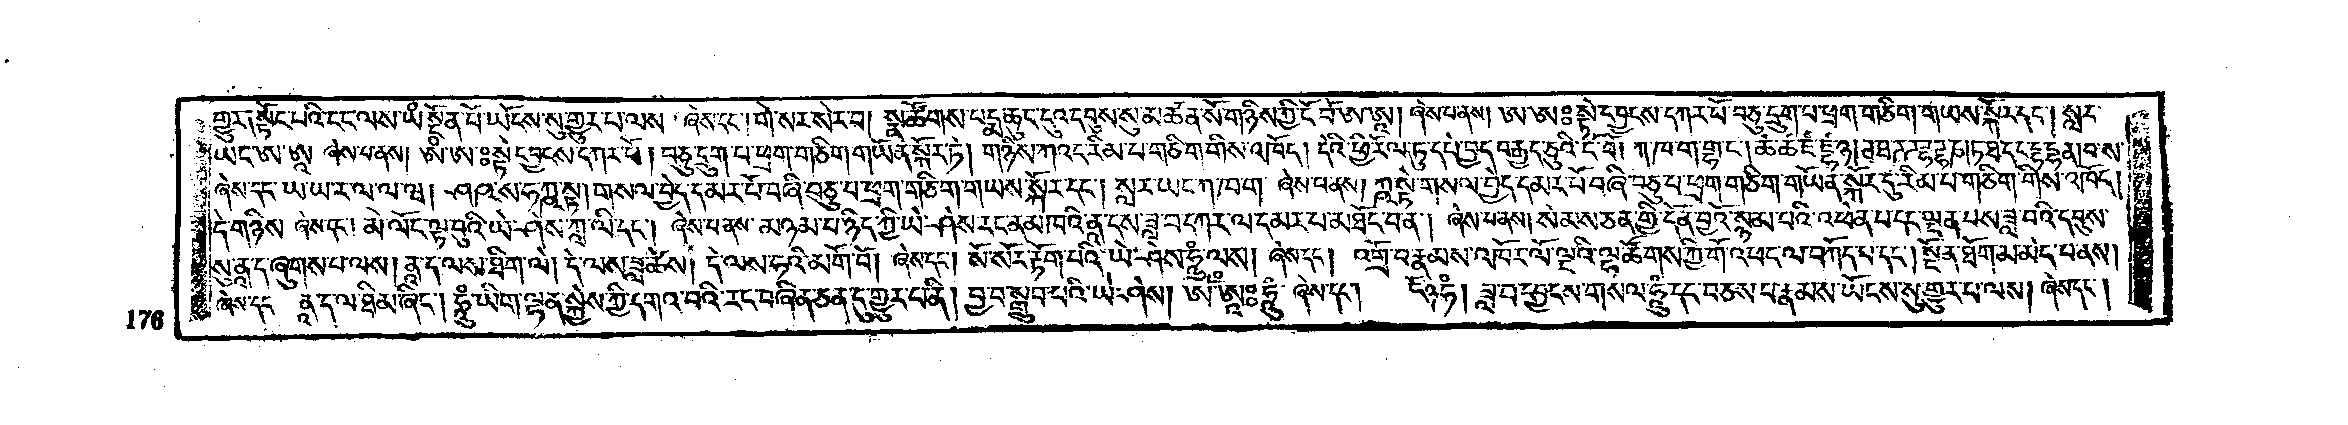གྱུར། སྟོང་པའི་ངང་ལས་ཡཾ་སྔོན་པོ་ཡོངས་སུ་གྱུར་པ་ལས། ཞེས་དང་།  གེ་སར་སེར་བ། སྣ་ཚོགས་པདམ་ཆུང་དུའི་དབུས་སུ་མཚན་སོ་གཉིས་ཀྱི་ངོ་བོ་ཨ་ཨཱ། ཞེས་པ་ནས།  ཨོཾ་ཨཿ སྟེ་དབྱངས་དཀར་པོ་བཅུ་དྲུག་པ་ཕྲག་གཅིག་གཡས་སྐོར་དང་། སླར་
ཡང་ཨ་ཨཱ་ཞེས་པ་ནས།  ཨཾ་ཨཿ སྟེ་དབྱངས་དཀར་པོ། བཅུ་དྲུག་པ་ཕྲག་གཅིག་གཡོན་སྐོར་ཏེ། གཉིས་ཀའང་རིམ་པ་གཅིག་གིས་འཁོད། དེའི་ཕྱི་རོལ་ཏུ་དཔེ་བྱད་བརྒྱད་ཅུའི་ངོ་བོ། ཀ་ཁ་ཁ་ག་གྷ་ང་། ཚ་ཚ་ཛ་ཛྷ་ཉ། ཊ་ཊཿཨ་ཌ་ཌ་ཌྷ་ཌྷ་ཎ། ཏ་ཐ་དང་དྷ་དྷ་ན། པ་ས་
ཞེས་དང་།  ཡ་ཡ་ར་ལ་ལ་ཝ། ཤ་ཥ་ས་ཧ་ཀྵ་སྟ། གསལ་བྱེད་དམར་པོ་བཞི་བཅུ་པ་ཕྲག་གཅིག་གཡས་སྐོར་དང་། སླར་ཡང་ཀ་ཁ་ག་ཞེས་པ་ནས།  ཀྵ་སྟེ་གསལ་བྱེད་དམར་པོ་བཞི་བཅུ་པ་ཕྲག་གཅིག་གཡོན་སྐོར་དུ་རིམ་པ་གཅིག་གིས་འཁོད།
དེ་གཉིས་ཞེས་དང་།  མ་ལོང་ལྟ་བུའི་ཡེ་ཤེས་ཀླ་ལི་དང་། ཞེས་པ་ནས་མཉམ་པ་ཉིད་ཀྱི་ཡེ་ཤེས་རང་ནམ་མཁའི་ནཱ་དས་ཟླ་བ་དཀར་ལ་དམར་པ་མཐོང་བ་ན། ཞེས་པ་ནས།  སེམས་ཅན་གྱི་དོན་བྱའི་སྙམ་པའི་འཕེན་པ་དང་ལྡན་པས་ཟླ་བའི་དབུས་
སུ་ནཱ་ད་ཞུགས་པ་ལས། ནཱ་ད་ལས་ཐིག་ལེ། དེ་ལས་ཟླ་ཚེས། དེ་ལས་ཧའི་མགོ་བོ། ཞེས་དང་།  སོ་སོར་རྟོག་པའི་ཡེ་ཤེས་ཧཱུཾ་ལས། ཞེས་དང་།  འགྲོ་བ་རྣམས་འཁོར་ལོ་ལྔའི་ལྷ་ཚོགས་ཀྱི་གོ་འཕང་ལ་བཀོད་པ་དང་། སྔོན་ཐོག་མ་མེད་པ་ནས།
ཞེས་དང་།  ནཱ་ད་ལ་ཐིམ་ཞིང་། ཧཱུཾ་ཡིག་ལྷན་སྐྱེས་ཀྱི་དགའ་བའི་རང་བཞིན་ཅན་དུ་གྱུར་པ་ནི། བྱ་བ་སྒྲུབ་པའི་ཡེ་ཤེས། ཨོཾ་ཨཱཿ ཧཱུཾ་ཞེས་དང་།  ཤུདྷོཉྷཾ། ?་ཟླ་བ་དབྱངས་གསལ་ཧཱུཾ་དང་བཅས་པ་རྣམས་ཡོངས་སུ་གྱུར་པ་ལས། ཞེས་དང་།